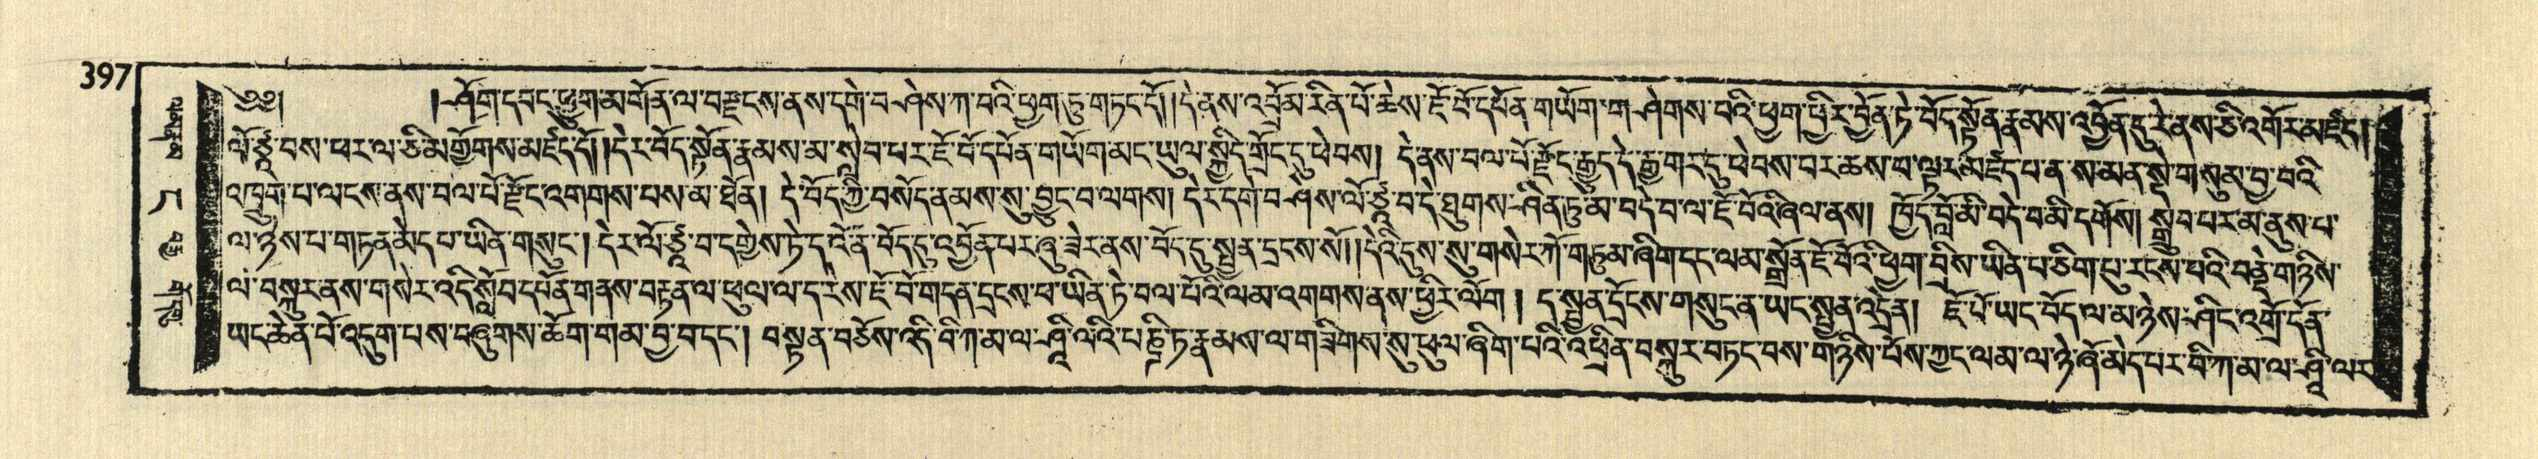༄༅། །ཤོག་དབང་ཕྱུག་མགོན་ལ་བརྫངས་ནས་དགེ་བཤེས་ཀ་བའི་ཕྱག་ཏུ་གཏང་དོ། །དེ་ནས་འབྲོམ་རིན་པོ་ཆེས་ཇོ་བོ་དཔོན་གཡོག་གཤེགས་པའི་ཕྱག་ཕྱིར་བྱོན་ཏེ་བོད་སྟོན་རྣམས་འབྱོན་དུ་རེ་ནས་ཅི་འགོར་མཛད།
ལོ་ཙཱ་བས་ཕར་ལ་ཅི་མགྱོགས་མཛད་དོ། །དེར་བོད་སྟོན་རྣམས་མ་སླེབ་པར་ཇོ་བོ་དཔོན་གཡོག་མང་ཡུལ་སྐྱིད་གྲོང་དུ་ཕེབས། དེ་ནས་བལ་པོ་རྫོང་རྒྱུད་དེ་རྒྱ་གར་དུ་ཕེབས་བར་ཆས་པ་ལྟར་མཛད་པ་ན་ས་མན་སྡེ་གསུམ་བྱ་བའི་
འཁྲུག་པ་ལངས་ནས་བལ་པོ་རྫོང་འགགས་པས་མ་ཐོན། དེ་བོད་ཀྱི་བསོད་ནམས་སུ་བྱུང་བ་ལགས། དེར་དགེ་བཤེས་ལོ་ཙཱ་བ་དེ་ཐུགས་ཤིན་ཏུ་མ་བདེ་བ་ལ་ཇོ་བོའི་ཞལ་ནས། ཁྱོད་བློ་མི་བདེ་བ་མི་དགོས། སྒྲུབ་པར་མ་ནུས་པ་
ལ་ཉེས་པ་གཏན་མེད་པ་ཡིན་གསུང་། དེར་ལོ་ཙཱ་བ་དགྱེས་ཏེ་ད་འོ་ན་བོད་དུ་འབྱོན་པར་ཞུ་ཟེར་ནས་བོད་དུ་སྤྱན་དྲངས་སོ། །དེའི་དུས་སུ་གསེར་ཀོ་གཏུམ་ཞིག་དང་ལམ་སྒྲོན་ཇོ་བོའི་ཕྱག་བྲིས་ཡིན་པ་ཅིག་པུ་རངས་པའི་བནྡེ་གཉིས་
ལ་བསྐུར་ནས་གསེར་འདི་སློབ་དཔོན་གནས་བརྟན་ལ་ཕུལ་ལ་ད་རེས་ཇོ་བོ་གདན་དྲངས་པ་ཡིན་ཏེ་བལ་པོའི་ལམ་འགགས་ནས་ཕྱིར་ལོག། ད་སྦྱན་དྲོངས་གསུང་ན་ཡང་སྤྱན་འདྲེན། ཇོ་པོ་ཡང་བོད་ལ་མཉེས་ཤིང་འགྲོ་དོན་
ཡང་ཆེན་པོ་འདུག་པས་བཞུགས་ཆོག་གམ་བྱ་བ་དང་། བསྟན་བཅོས་འདི་བི་ཀ་མ་ལ་ཤཱི་ལའི་པཎྜི་ཏ་རྣམས་ལ་གཟིགས་སུ་ཕུལ་ཞིག་པའི་འཕྲིན་བསྐུར་བཏང་བས་གཉིས་པོས་ཀྱང་ལམ་ལ་ཉེ་ཞོ་མེད་པར་བི་ཀ་མ་ལ་ཤཱི་ལར་